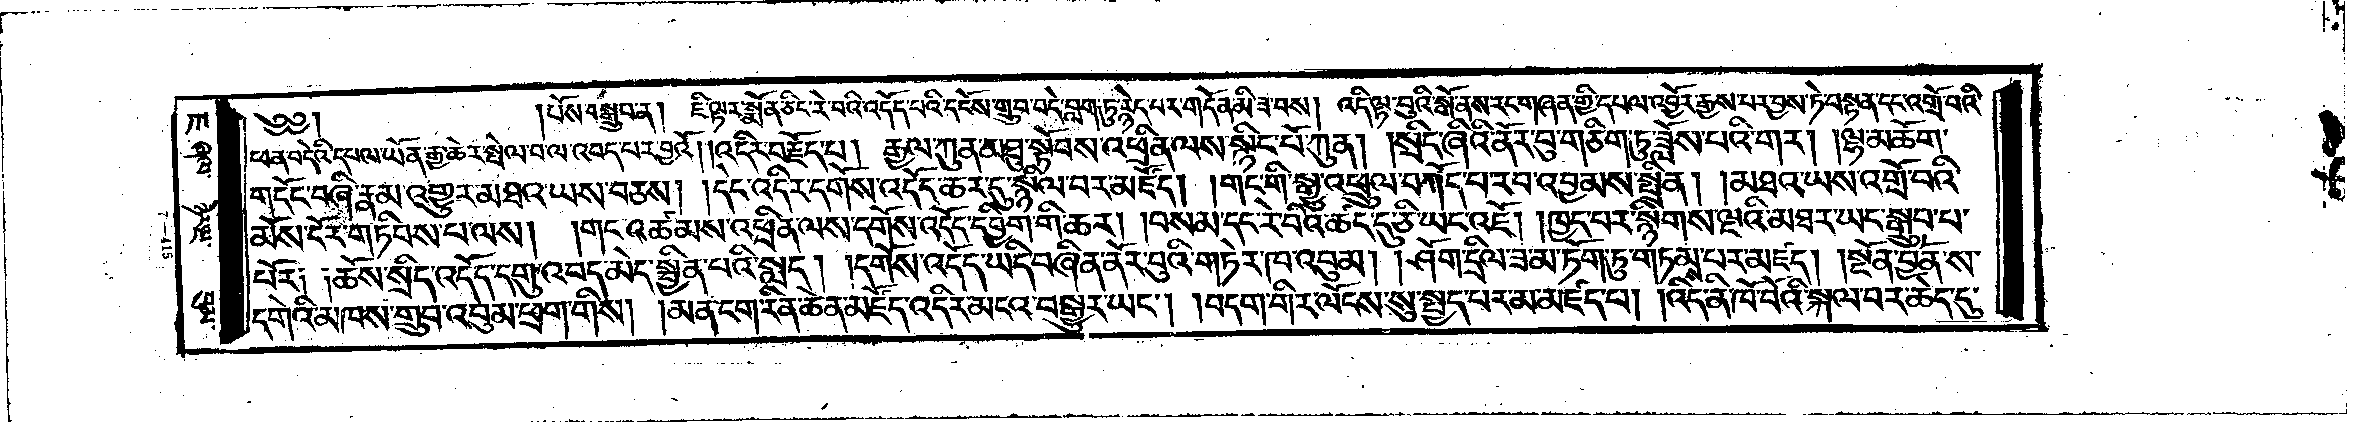༄༅། །པོས་བསྒྲུབ་ན། ཇི་ལྟར་སྨོན་ཅིང་རེ་བའི་འདོད་པའི་དངོས་གྲུབ་བདེ་བླག་ཏུ་རྙེད་པར་གདོན་མི་ཟ་བས། འདི་ལྟ་བུའི་སྒོ་ནས་རང་གཞན་གྱི་དཔལ་འབྱོར་རྒྱས་པར་བྱས་ཏེ་བསྟན་དང་འགྲོ་བའི་
ཕན་བདེའི་དཔལ་ཡོན་རྒྱ་ཆེར་སྤེལ་བ་ལ་འབད་པར་བྱའོ། །འདིར་བརྗོད་པ། རྒྱལ་ཀུན་མཐུ་སྟོབས་འཕྲིན་ལས་སྙིང་པོ་ཀུན། །སྲིད་ཞིའི་ནོར་བུ་གཅིག་ཏུ་བློས་པའི་གར། །ལྷ་མཆོག་གདོང་བཞི་རྣམ་འགྱུར་མཐའ་ཡས་བཅས། །དེང་འདིར་དགོས་འདོད་ཆར་དུ་སྙིལ་བར་མཛོད། །གང་གི་སྒྱུ་འཕྲུལ་བཀོད་པ་རབ་འབྱམས་སྤྲིན། །མཐའ་ཡས་འགྲོ་བའི་
མོས་དོར་གཏིབས་པ་ལས། །གང་འཚམས་འཕྲིན་ལས་དགོས་འདོད་དབྱིག་གི་ཆར། །བསམ་དང་རེ་བའི་ཚང་དུ་ཅི་ཡང་འཇོ། །ཁྱད་པར་སྙིགས་ལྔའི་མཐར་ཡང་སྒྲུབ་པ་
པོར༑ ༑ཆོས་སྲིད་འདོད་དགུ་འབད་མེད་སྦྱིན་པའི་སླད། །དགོས་འདོད་ཡིད་བཞིན་ནོར་བུའི་གཏེར་ཁ་འབུམ། །ཤོག་དྲིལ་ཟ་མ་ཏོག་ཏུ་གཏམས་པར་མཛད། །སྔོན་བྱོན་ས་
དགེའི་མཁས་གྲུབ་འབུམ་ཕྲག་གིས། །མན་ངག་རིན་ཆེན་མཛོད་འདིར་མངའ་བསྒྱུར་ཡང་། །བདག་གིར་ལོངས་སུ་སྤྱད་པར་མ་མཛད་པ། །འདི་ནི་ཁོ་བོའི་སྐལ་བར་ཆེད་དུ་